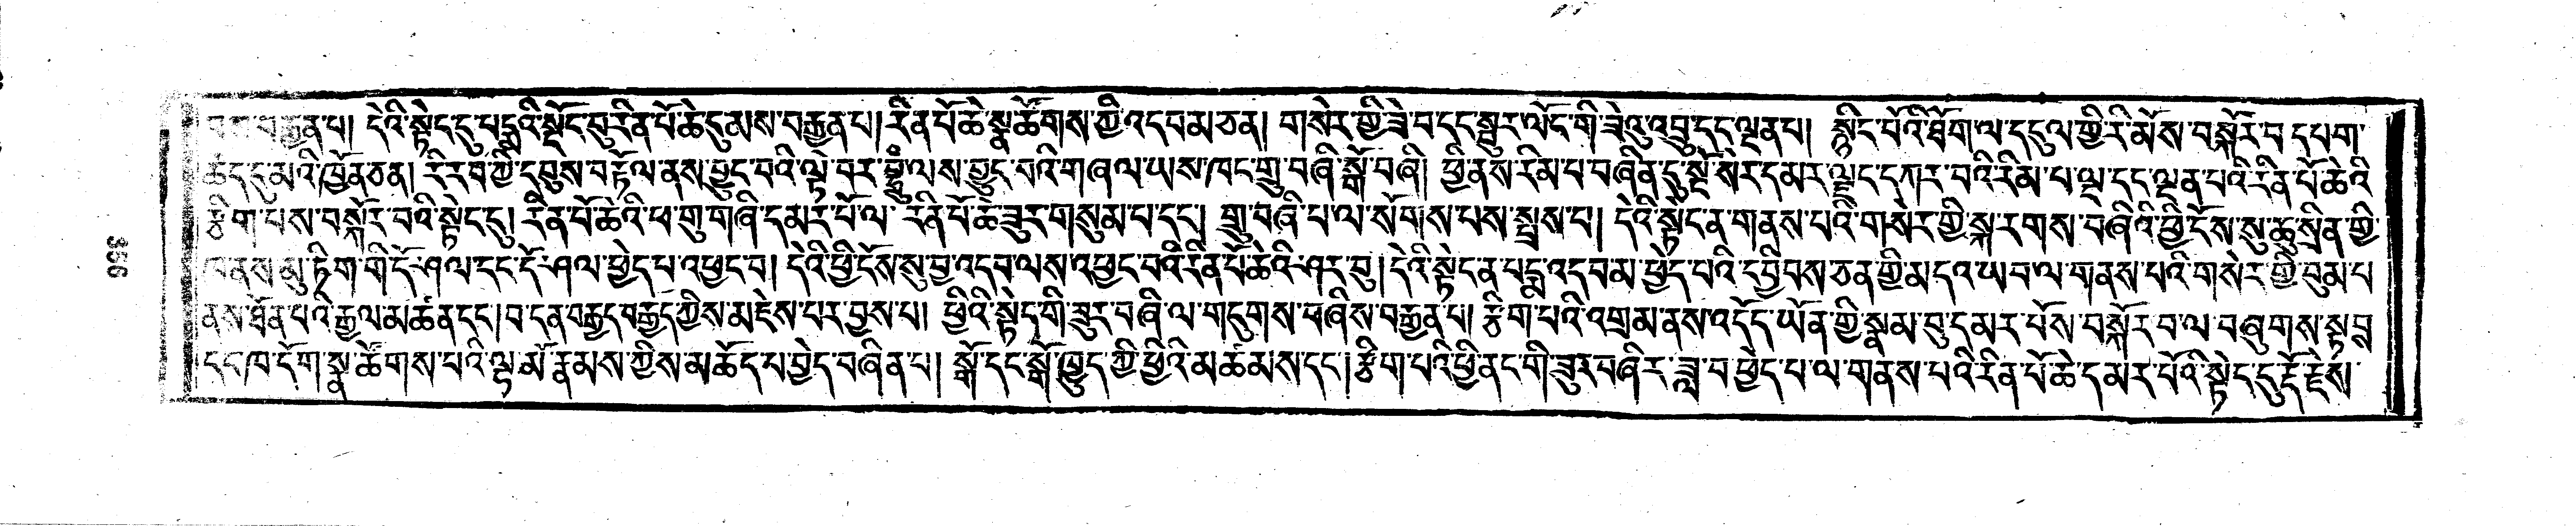བས་བརྒྱན་པ། དེའི་སྟེང་དུ་པདམའི་སྡོང་བུ་རིན་པོ་ཆེ་དུ་མས་བརྒྱན་པ། རིན་པོ་ཆེ་སྣ་ཚོགས་ཀྱི་འདབ་མ་ཅན། གསེར་གྱི་ཟེ་བ་དང་སྦུར་ལོང་གི་ཟེའུ་འབྲུ་དང་ལྡན་པ། སྙིང་པོའི་ཐོག་ལ་དངུལ་གྱི་རི་མོས་བསྐོར་བ་དཔག་
ཚད་དུ་མའི་ཁྱོན་ཅན། རི་རབ་ཀྱི་དབུས་བརྟོལ་ནས་བྱུང་བའི་ལྟེ་བར་བྷྲུཾ་ལས་བྱུང་བའི་གཞལ་ཡས་ཁང་གྲུ་བཞི་སྒོ་བཞི། ཕྱི་ནས་རིམ་པ་བཞིན་དུ་སྔོ་སེར་དམར་ལྗང་དཀར་བའི་རིམ་པ་ལྔ་དང་ལྡན་པའི་རིན་པོ་ཆེའི་
རྩིག་པས་བསྐོར་བའི་སྟེང་དུ། རིན་པོ་ཆེའི་ཕ་གུ་གཞི་དམར་པོ་ལ་རིན་པོ་ཆེ་ཟུར་གསུམ་པ་དང་། གྲུ་བཞི་པ་ལ་སོགས་པས་སྤྲས་པ། དེའི་སྟེང་ན་གནས་པའི་གསེར་གྱི་སྐ་རགས་བཞིའི་ཕྱི་ངོས་སུ་ཆུ་སྲིན་གྱི་
ཁ་ནས་མུ་ཏིག་གི་དོ་ཤལ་དང་དོ་ཤལ་བྱེད་པ་འཕྱང་བ། དེའི་ཕྱི་ངོས་སུ་བྱ་འདབ་ལས་འཕྱང་བའི་རིན་པོ་ཆེའི་ཤར་བུ། དེའི་སྟེང་ན་པདམ་འདབ་མ་ཕྱེད་པའི་དབྱིབས་ཅན་གྱི་མདའ་ཡབ་ལ་གནས་པའི་གསེར་གྱི་བུམ་པ་
ནས་ཐོན་པའི་རྒྱལ་མཚན་དང་། བ་དན་བརྒྱད་བརྒྱད་ཀྱིས་མཛེས་པར་བྱས་པ། ཕྱིའི་སྟེང་གི་ཟུར་བཞི་ལ་གདུགས་བཞིས་བརྒྱན་པ། རྩིག་པའི་འགྲམ་ནས་འདོད་ཡོན་གྱི་སྣམ་བུ་དམར་པོས་བསྐོར་བ་ལ་བཞུགས་སྟབས་
དང་ཁ་དོག་སྣ་ཚོགས་པའི་ལྷ་མོ་རྣམས་ཀྱིས་མཆོད་པ་བྱེད་བཞིན་པ། སྒོ་དང་སྒོ་ཁྱུད་ཀྱི་ཕྱིའི་མཚམས་དང་། རྩིག་པའི་ཕྱི་ནང་གི་ཟུར་བཞིར་ཟླ་བ་ཕྱེད་པ་ལ་གནས་པའི་རིན་པོ་ཆེ་དམར་པོའི་སྟེང་དུ་རྡོ་རྗེས་